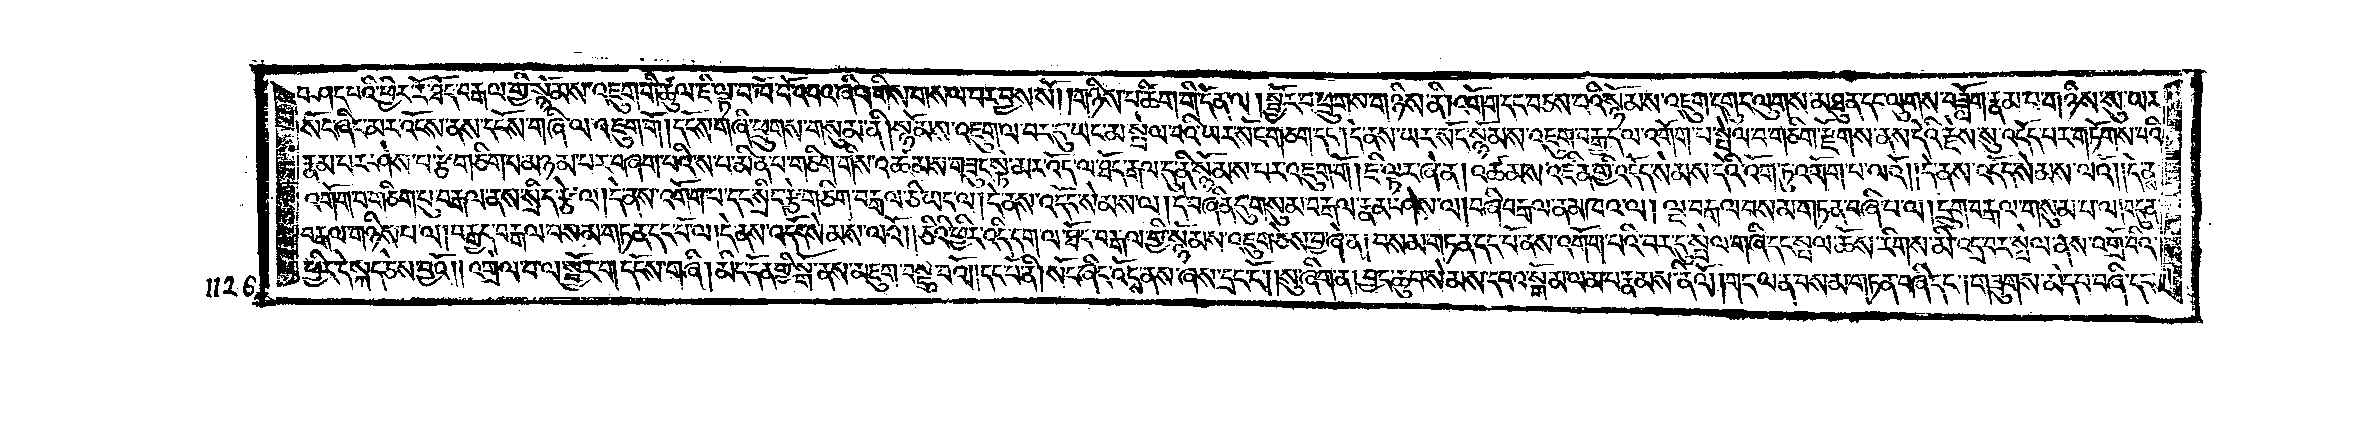བཤད་པའི་ཕྱིར་རོ་ཐོད་བརྒལ་གྱི་སྙོམས་འཇུག་གི་ཚུལ་ཇི་ལྟ་བ་ཁོ་བོ་འབའ་ཞིག་གིས་གསལ་བར་བྱས་སོ། །གཉིས་པ་ཚིག་གི་དོན་ལ། སྦྱོར་བ་ཕྲུགས་གཉིས་ནི། འགོག་དང་བཅས་པའི་སྙོམས་འཇུག་དགུར་ལུགས་མཐུན་དང་ལུགས་བཟློག་རྣམ་པ་གཉིས་སུ་ཡར་
སོང་ཞིང་མར་འོངས་ནས་དངོས་གཞི་ལ་འཇུག་གོ །དངོས་གཞི་ཕྲུགས་གསུམ་ནི། སྙོམས་འཇུག་ལ་བར་དུ་ཡང་མ་སྤེལ་བའི་ཡར་སོང་གཅིག་དང་། དེ་ནས་ཡར་སོང་སྙོམས་འཇུག་བརྒྱད་ལ་འགོག་པ་སྤེལ་བ་གཅིག་རྫོགས་ནས་དེའི་རྗེས་སུ་འདོད་པར་གཏོགས་པའི་
རྣམ་པར་ཤེས་པ་རྩེ་གཅིག་པ་མཉམ་པར་བཞག་པའི་ས་པ་མིན་པ་གཅིག་གིས་འཚམས་གཟུང་སྟེ་མར་འོད་ལ་ཐོད་རྒལ་དུ་ནི་སྙོམས་པར་འཇུག་གོ །ཇི་ལྟར་ཞེ་ན། འཚམས་འཛིན་གྱི་འདོད་སེམས་དེའི་འོག་ཏུ་འགོག་པ་ལའོ། །དེ་ནས་འདོད་སེམས་ལའོ། །དེ་ནས་
འགོག་པ་གཅིག་པུ་བརྒལ་ནས་སྲིད་རྩེ་ལ། དེ་ནས་འགོག་པ་དང་སྲིད་རྩེ་གཅིག་བརྒལ་ཅི་ཡང་ལ། དེ་ནས་འདོད་སེམས་ལ། དེ་བཞིན་དུ་གསུམ་བརྒལ་རྣམ་ཤེས་ལ། བཞི་བརྒལ་ནམ་མཁའ་ལ། ལྔ་བརྒལ་བསམ་གཏན་བཞི་པ་ལ། དྲུག་བརྒལ་གསུམ་པ་ལ། བདུན་
བརྒལ་གཉིས་པ་ལ། བརྒྱད་བརྒལ་བསམ་གཏན་དང་པོ་ལ། དེ་ནས་འདོད་སེམས་ལའོ། །ཅིའི་ཕྱིར་འདི་དག་ལ་ཐོད་བརྒལ་གྱི་སྙོམས་འཇུག་ཅེས་བྱ་ཞེ་ན། བསམ་གཏན་དང་པོ་ནས་འགོག་པའི་བར་དུ་སྤེལ་གཞི་དང་སྤལ་ཆོས་རིགས་མི་འདྲ་བར་སྤེལ་ནས་འགྲོ་བའི་
ཕྱིར་དེ་སྐད་ཅེས་བྱའོ། །འགྲེལ་བ་ལ་སྦྱོར་བ། དངོས་གཞི། མིང་དོན་གྱི་སྒོ་ནས་མཇུག་བསྡུ་བའོ། །དང་པོ་ནི། སོང་ཞིང་འོངས་ནས་ཞེས་དྲང་ངོ། །སུ་ཞིག་ན། བྱང་ཆུབ་སེམས་དཔའ་སྒོམ་ལམ་པ་རྣམས་ནིའོ། གང་ལ་ན་བསམ་གཏན་བཞི་དང་། གཟུགས་མེད་པ་བཞི་དང་